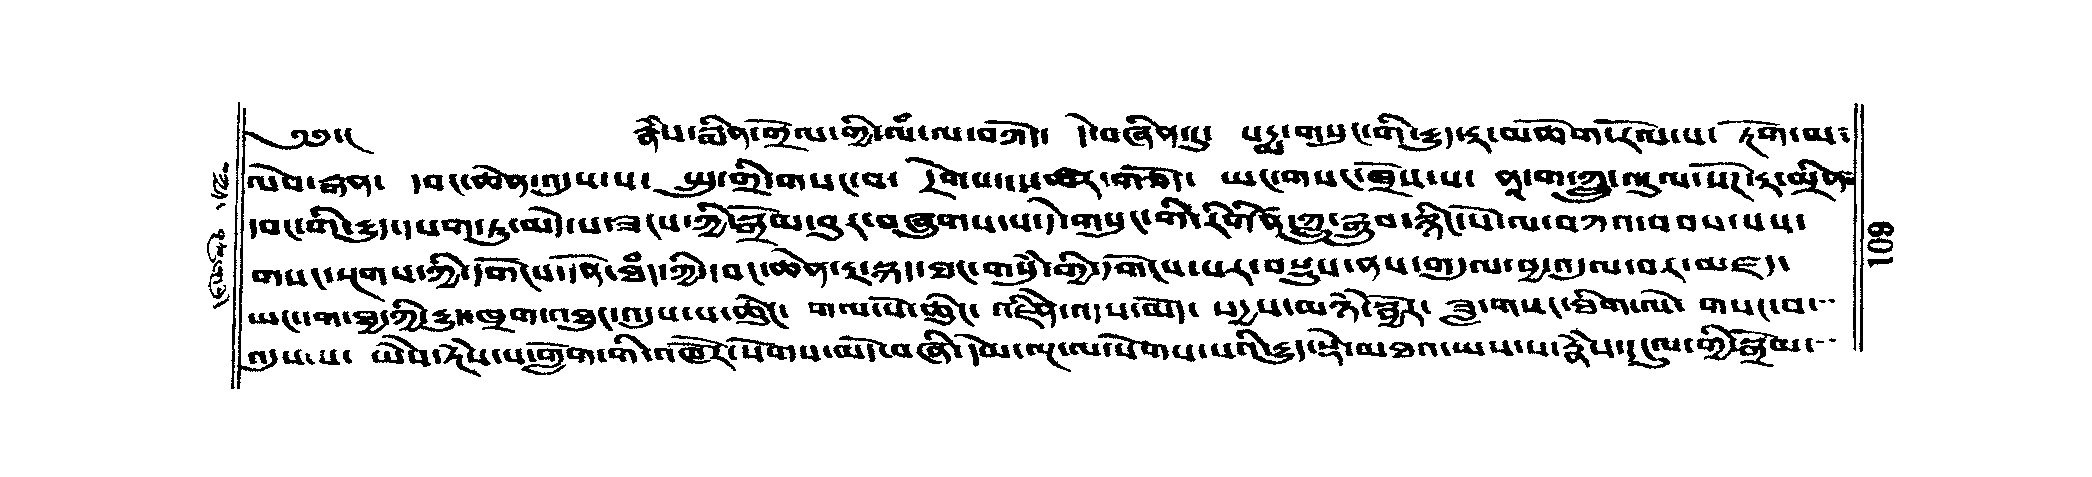རྣམས་སྨིན་གྲོལ་གྱི་ལམ་ལ་བཀོད། དེ་བཞིན་དུ། པདྨ་གསུང་གི་རྒྱུད་རྟ་མཆོག་རོལ་པ། རྔོག་མ་
ལེས་རྒན། དབང་ཆེན་འདུས་པ། སྤུ་གྲི་གསང་བ། དྲེགས་པ་དང་ཚར་གཅོད། ཡང་གསང་ཁྲོས་པ། ནཱ་ན་ཀླུ་འདུལ་སོགས་རྟ་མགྲིན་
དབང་གི་རྒྱུད་དཔག་ཏུ་མེད་པ་ཟངས་ཀྱི་སྒྲོམ་བུར་བཞུགས་པ་དེ་གསུང་གི་རིག་འཛིན་ཀླུ་སྒྲུབ་སྙིང་པོ་ལ་བཀའ་བབས་པས་
གསང་སྔགས་ཀྱི་དགོངས་དོན་ཐམས་ཅད་ཀྱི་དབང་ཆེན་རྟ་སྐད་ཐང་གསུམ་གྱི་དགོངས་པར་བསྡུས་ནས་གདུལ་བྱ་འདུལ་བར་མཛད་
ཡང་དག་ཐུགས་ཀྱི་རྒྱུད་ཁྲག་འཐུང་འདུས་པ་ཆེ་ཆུང་། གལ་པོ་ཆེ་ཆུང་། འཇིག་རྟེན་འདས་མོད། སངས་རྒྱས་མཉམ་སྦྱོར། ཟླ་གསང་ཐིག་ལེ། གསང་བ་
འདུས་པ། ཡེ་ཤེས་རྔམས་པ་གློག་གི་འཁོར་ལོ་སོགས་མདོ་བཞི་དེམ་ལྔ་ལ་སོགས་པའི་རྒྱུད་སྡེ་མཐའ་ཡས་པ་རྣམས་དངུལ་གྱི་སྒྲོམ་